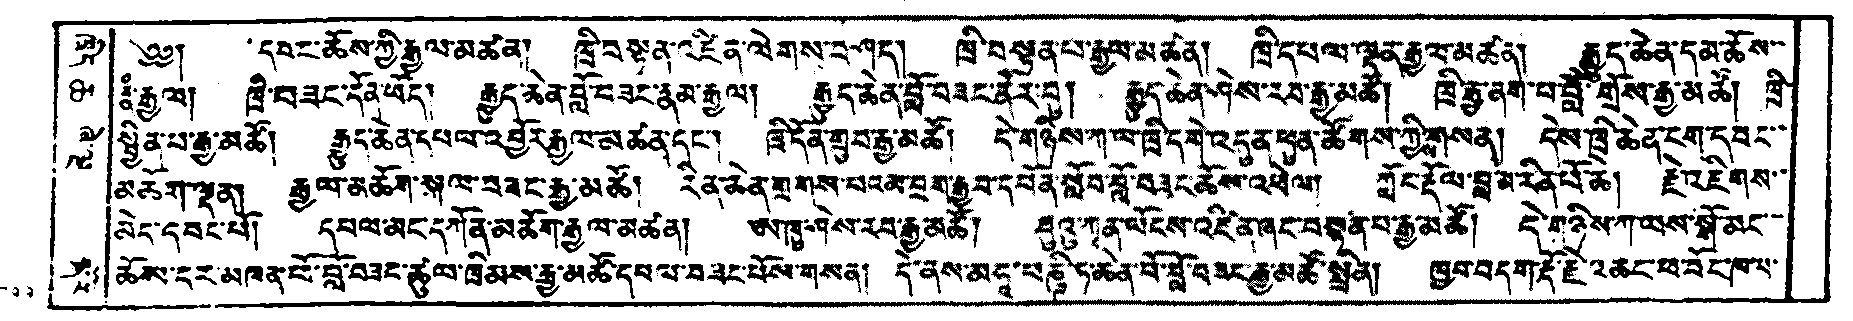༄༅། །དབང་ཆོས་ཀྱི་རྒྱལ་མཚན། ཁྲི་བསྟན་འཛིན་ལེགས་བཤད། ཁྲི་བསྟན་པ་རྒྱལ་མཚན། ཁྲི་དཔལ་ལྡན་རྒྱལ་མཚན། རྒྱུད་ཆེན་དམ་ཆོས་
རྣམ་རྒྱལ། ཁྲི་བཟང་དོན་ཡོད། རྒྱུད་ཆེན་བློ་བཟང་རྣམ་རྒྱལ། རྒྱུད་ཆེན་བློ་བཟང་ནོར་བུ། རྒྱུད་ཆེན་ཤེས་རབ་རྒྱ་མཚོ། ཁྲི་རྒྱ་ནག་པ་བློ་གྲོས་རྒྱ་མཚོ། ཁྲི་
སྦྱིན་པ་རྒྱ་མཚོ། རྒྱུད་ཆེན་དཔལ་འབྱོར་རྒྱལ་མཚན་དང་། ཁྲི་དོན་གྲུབ་རྒྱ་མཚོ། དེ་གཉིས་ཀ་ལ་ཁྲི་དགེ་འདུན་ཕུན་ཚོགས་ཀྱིས་གསན། དེས་ཁྲི་ཆེན་ངག་དབང་
མཆོག་ལྡན། རྒྱལ་མཆོག་སྐལ་བཟང་རྒྱ་མཚོ། རིན་ཆེན་གྲགས་པའམ་བྲག་རྒྱབ་དཔོན་སློབ་བློ་བཟང་ཆོས་འཕེལ། ཀློང་རྡོལ་བླ་མ་རིན་པོ་ཆེ། རྗེ་འཇིགས་
མེད་དབང་པོ། དཔལ་མང་དཀོན་མཆོག་རྒྱལ་མཚན། ཨ་ཁུ་ཤེས་རབ་རྒྱ་མཚོ། ཐུའུ་ཀྭན་ཡོངས་འཛིན་ཞང་བསྟན་པ་རྒྱ་མཚོ། དེ་གཉིས་ཀ་ལས་སྒོ་མང་
ཆོས་དར་མཁན་པོ་བློ་བཟང་ཚུལ་ཁྲིམས་རྒྱ་མཚོ་དཔལ་བཟང་པོས་གསན། དེ་ནས་མཧཱ་པཎྜི་ཏ་ཆེན་པོ་བློ་བཟང་རྒྱ་མཚོ་སྤྲིན། ཁྱབ་བདག་རྡོ་རྗེ་འཆང་ཕ་བོང་ཁ་པ་